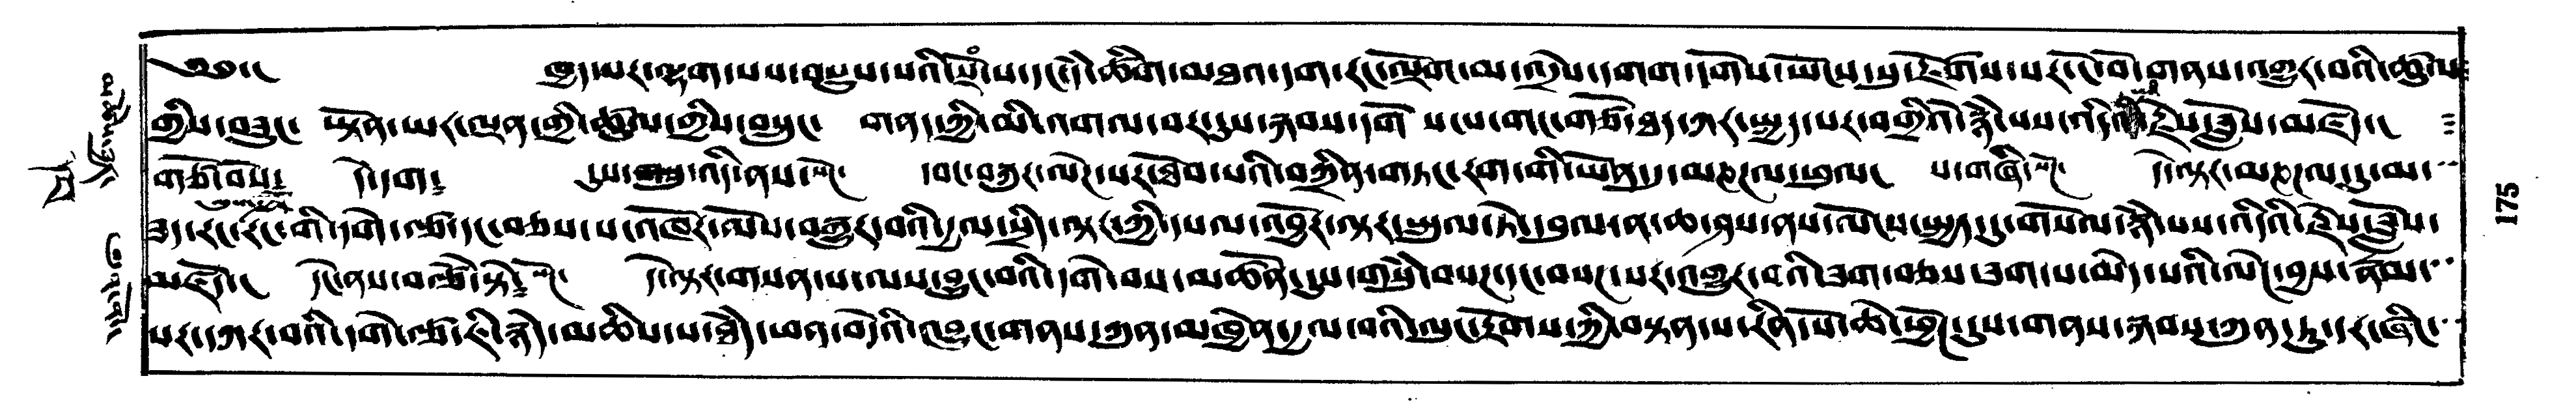ཁྱད་པར་ལྷག་པས་བསྡུས་པའི་སྡོམ་པ་དང་དམ་ཚིག་མཐའ་དག་རང་ལྡོག་མ་འདྲེས་དགག་དགོས་ཡོངས་སུ་རྫོགས་པར་ངོ་བོ་གནས་འགྱུར་བའི་ཚུལ་
གྱིས་བཟུང་། ཡོན་ཏན་ཡར་ལྡན་གྱི་ཚུལ་གྱིས་བསྲུང་། གནད་ཀྱི་མི་འགལ་བར་དུས་སྐབས་དགོས་པ་གང་གཙོ་ཐད་ཀར་སྤྱད་པར་བགྱིའོ་སྙམ་པས་འདིའི་རྗེས་ཟློས་མཛོད། 
གཙོ་བོས༴ དེ་དག༴ དུས་འདི་ནས་སོགས། དབང་བསྐུར་ལེགས་པར་ཐོབ་པའི་བཀའ་དྲིན་གཏང་རག་གི་ཡོན་དུ་མཎྜལ་ཕུལ།ས་གཞི་སོགས། དེ་ལྟར་མཎྜལ་དུ་མ་
ཟད་རང་རང་གི་ལུས་སངོས་སྤྱོད་དགེ་རྩ་དང་བཅས་པ་འཁོར་ལོས་བསྒྱུར་བའི་རྒྱལ་སྲིད་ཀྱི་དཔལ་འབྱོར་ལྟར་སྤྲུལ་ཏེ་དབུལ་ན་ཆ་ཤས་ནས་ལོངས་སྤྱད་དུ་གསོལ་སྙམ་པས་འདིའི་རྗེས་ཟློས་
མཛོད། དེང་ནས་བརྩམ་སྟེ༴ སོགས། དེ་ལྟར་གསན་པ་ལས་བྱུང་བའི་དགེ་བས་མཚོན་དུས་གསུམ་བསགས་དང་བསོག་པར་འགྱུར་བའི་ཟག་བཅས་ཟག་པ་མེད་པའི་ལེགས་བྱས་རྣམ་
པར་དཀར་བའི་དགེ་རྩ་ཇི་སྙེད་མཆིས་པ་ཐམས་ཅད་ཕན་བདེའི་འབྱུང་གནས་ཀུན་མཁྱེན་རྒྱལ་བའི་ལུང་རྟོགས་ཀྱི་བསྟན་པ་རིན་པོ་ཆེ་ཕྱོགས་དུས་གནས་སྐབས་ཀུན་ཏུ་དར་ཞིང་